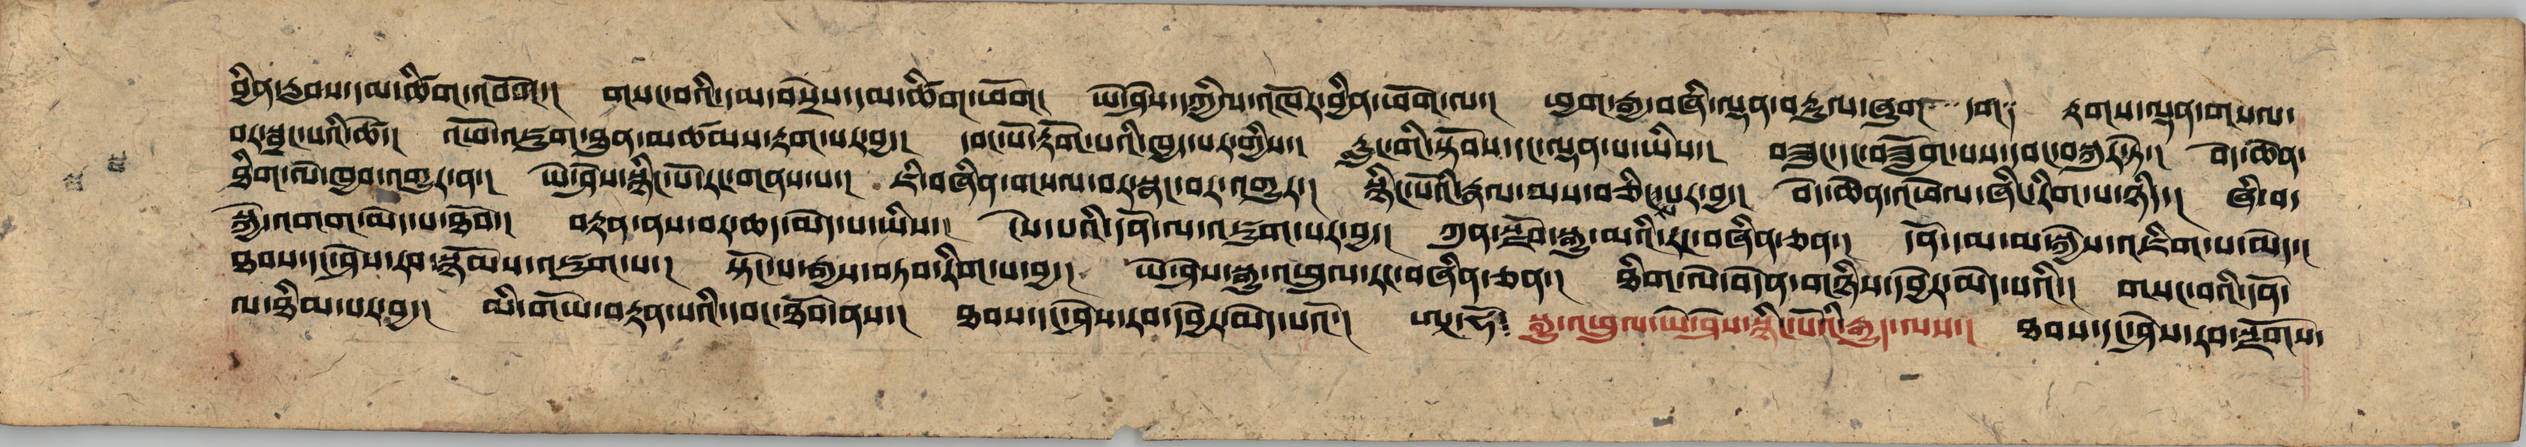བྱིན་རླབས་དམ་ཚིག་འབོག་། གསང་བའི་དམ་བསྲེས་དམ་ཚིག་ཕོག། ཡེ་ཤེས་དཀྱིལ་འཁོར་བྱིན་ཕོག་ལ་། ཕྱག་རྒྱ་བཞི་ལྡན་བརྡུལ་ཞུག་་་་དག༑ རྟགས་ལྡན་གསལ་
བར་སྦྱང་པའི་ཚེ་། འཕོ་འཇུག་ཐུན་མཚམས་རྟག་པར་བྱ་། དབང་པོ་རྟོག་པའི་ཁྱད་པར་གྱིས་། རླུང་གི་སྟོབས་དང་ལྡན་པ་ཡིས་། བཟུང་དང་བཟློག་པས་དབང་བསྐུར་ཏེ་། བདེ་ཆེན་
ཐིག་ལེ་ཁྱབ་འགྱུར་ན་། ཡེ་ཤེས་སྙིང་པོ་རང་གནས་པ་། ཇི་བཞིན་གསལ་བར་སྣང་བར་འགྱུར་། སྙིང་པོའི་རྣལ་མས་བཅིངས་པར་བྱ་། བདེ་ཆེན་འཕེལ་ཞིང་རིག་པ་ཉིད་། ཞི་བ་
སྐྱེ་འགག་མེད་པ་ཐོབ་། བརྟན་ནས་བར་ཆད་མེད་པ་ཡིས་། ངེས་པའི་དོན་ལ་འཇུག་པར་བྱ་། ཀུན་སྫོབ་སྒྱུ་མའི་རང་བཞིན་ཅན་། དོན་དམ་མ་སྐྱེས་འཇིག་པ་མེད་།
ཐབས་དང་ཤེས་རབ་སྙོམས་འཇུག་པ་། སྟོང་པ་རྒྱས་བཏབ་རིག་པ་བྱ་། ཡེ་ཤེས་སྒྱུ་འཕྲུལ་རང་བཞིན་ཅན་། ཐིག་ལེ་བདེན་གཉིས་དབྱེར་མེད་པའི་། གསང་བའི་དོན་
ལ་ཐིམ་པར་བྱ་། མི་གཡོ་བརྟན་པའི་དབང་ཐོབ་ནས་། ཐབས་དང་ཤེས་རབ་དབྱེར་མེད་པའོ་། ཨཱ་ཧོ༴ སྒྱུ་འཕྲུལ་ཡེ་ཤེས་སྙིང་པོའི་རྒྱུད་ལས་། ཐབས་དང་ཤེས་རབ་སྫོགས་